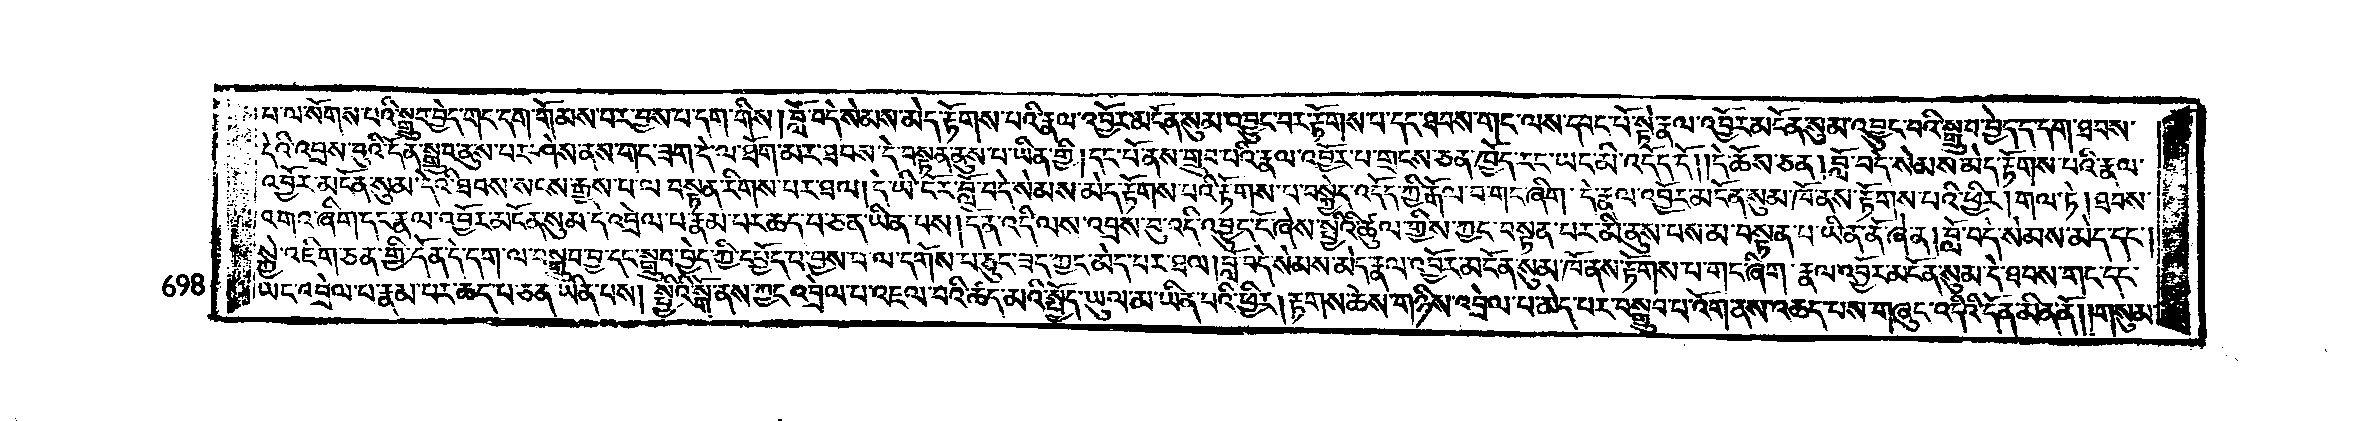པ་ལ་སོགས་པའི་སྒྲུབ་བྱེད་གང་དག་གོམས་པར་བྱས་པ་དག་གིས། བློ་བདེ་སེམས་མེད་རྟོགས་པའི་རྣལ་འབྱོར་མངོན་སུམ་འབྱུང་བར་རྟོགས་པ་དང་ཐབས་གང་ལས་དབང་པོ་སྟེ་རྣལ་འབྱོར་མངོན་སུམ་འབྱུང་བའི་སྒྲུབ་བྱེད་ད་དག་ཐབས་
དེའི་འབྲས་བུའི་དོན་སྒྲུབ་ནུས་པར་ཤེས་ནས་གང་ཟག་དེ་ལ་ཐོག་མར་ཐབས་དེ་བསྟན་ནུས་པ་ཡིན་གྱི། དང་པོ་ནས་གྲུབ་པའི་རྣལ་འབྱོར་པ་གྲངས་ཅན་ཁྱོད་རང་ཡང་མི་འདོད་དོ། །དེ་ཆོས་ཅན། བློ་བདེ་སེམས་མེད་རྟོགས་པའི་རྣལ་
འབྱོར་མངོན་སུམ་དེའི་ཐབས་སངས་རྒྱས་པ་ལ་བསྟན་རིགས་པར་ཐལ། དེ་ཡི་ངོར་བློ་བདེ་སེམས་མེད་རྟོགས་པའི་རྟོགས་པ་བསྐྱེད་འདོད་?་ཀྱི་རྒོལ་བ་གང་ཞིག་དེ་རྣལ་འབྱོར་མངོན་སུམ་ཁོ་ནས་རྟོགས་པའི་ཕྱིར། གལ་ཏེ། ཐབས་
འགའ་ཞིག་དང་རྣལ་འབྱོར་མངོན་སུམ་དེ་འབྲེལ་པ་རྣམ་པར་ཚད་པ་ཅན་ཡིན་པས། དོན་འདི་ལས་འབྲས་བུ་འདི་འབྱུང་ངོ་ཞེས་སྤྱིའི་ཚུལ་གྱིས་ཀྱང་བསྟན་པར་མི་ནུས་པས་མ་བསྟན་པ་ཡིན་ནོ་ཞེ་ན། བློ་བདེ་སེམས་མེད་དང་།
སྐྱེ་འཇིག་ཅན་གྱི་དོན་དེ་དག་ལ་བསྒྲུབ་བྱ་དང་སྒྲུབ་བྱེད་ཀྱི་དཔྱོད་པ་བྱས་པ་ལ་དགོས་པ་ཅུང་ཟད་ཀྱང་མེད་པར་ཐལ། བློ་བདེ་སེམས་མེད་རྣལ་འབྱོར་མངོན་སུམ་ཁོ་ནས་རྟོགས་པ་གང་ཞིག་རྣལ་འབྱོར་མངོན་སུམ་དེ་ཐབས་གང་དང་
ཡང་འབྲེལ་པ་རྣམ་པར་ཚད་པ་ཅན་ཡིན་པས། སྤྱིའི་སྒོ་ནས་ཀྱང་འབྲེལ་པ་འཇལ་བའི་ཚད་མའི་སྤྱོད་ཡུལ་མ་ཡིན་པའི་ཕྱིར། རྟགས་ཆོས་གཉིས་འབྲེལ་པ་མེད་པར་བསྒྲུབ་པ་འོག་ནས་འཆད་པས་གཞུང་འདིའི་དོན་མིན་ནོ། །གསུམ་